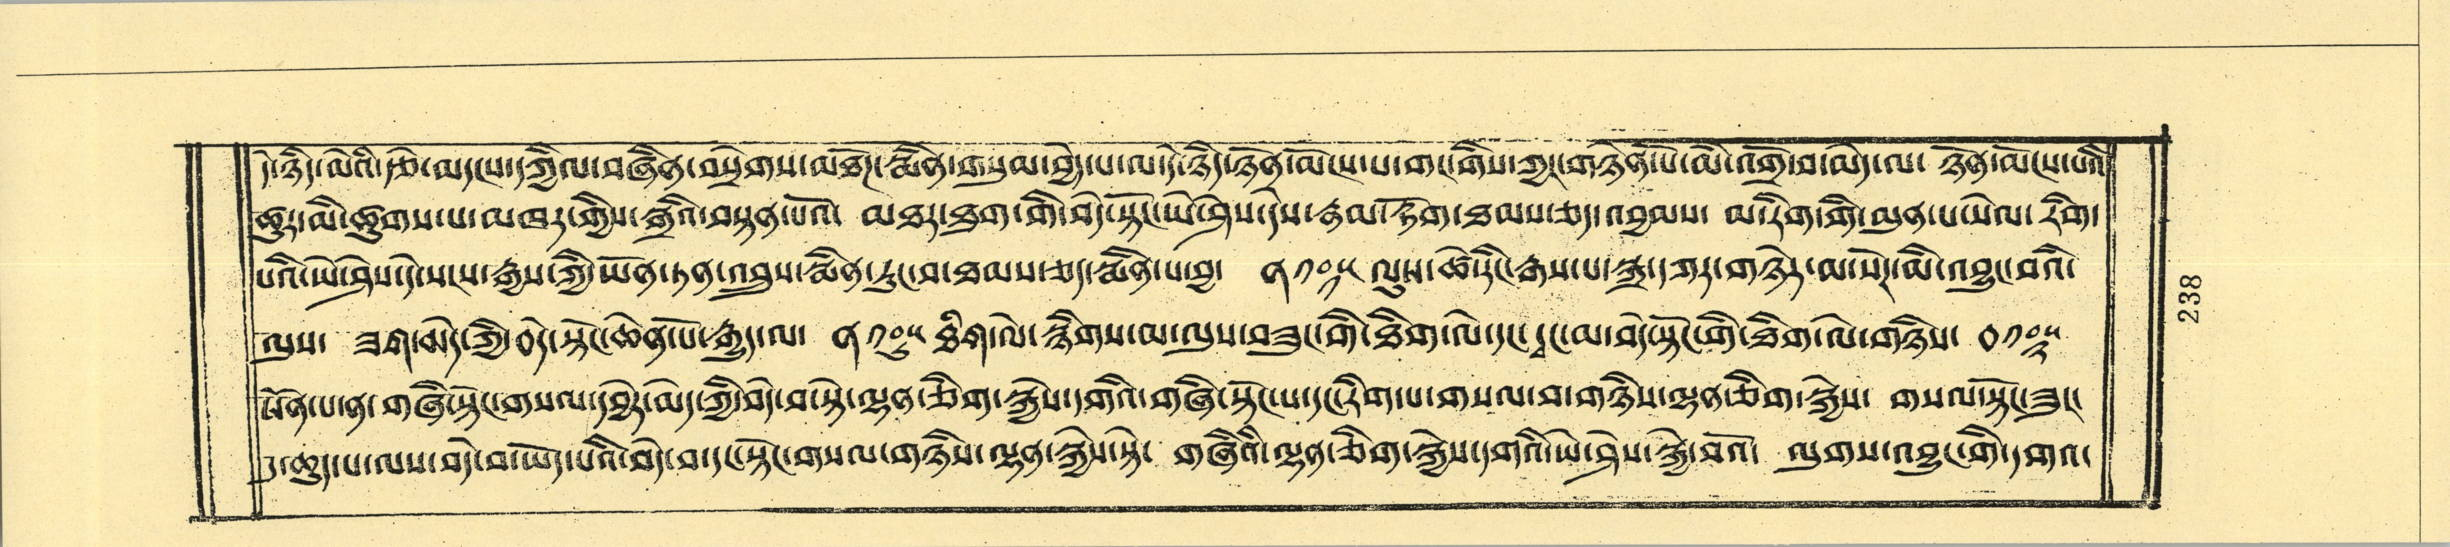དེ་ཉིད་མེའི་རྩེ་མདངས་དཀྱིལ་བཞིན་བསྲེགས་མཐོགས་སྨིན་གསུམ་བྱེད་པ་ལ་དེ་ཉིད་ཉོན་མོངས་པ་གང་གིས་ཀྱང་གཉེན་པོ་མི་འགྲོ་བ་མེད་ལ། ཉོན་མོངས་པའི་
ཚུར་མི་ཚུགས་པ་མཁར་གྱིས་སྒྲའི་བསྟན་པའོ། མཐར་ཐུག་གི་བདེ་སྟོང་ཡེ་ཤེས་དེས་རྣམ་རྟོག་ཐམས་ཅད་འབྱམས། མ་རིག་གི་མུན་པ་སེལ། རིག་
པའི་ཡེ་ཤེས་དེ་སངས་རྒྱས་ཀྱི་ཡོན་ཏན་འབྲས་བུ་སྨིན་རུང་བ་ཐམས་ཅད་སྨིན་པ་བྱ། ན༡༠༥།༡ ༼ལུས་༽ཚེ་རིང་རྒས་པ་སྐྲ་དཀར་གཉེར་མ་སོགས་མི་འབྱུང་བའི་
ལུས་ ༼ཟག་མེད་༽ཀྱི་ ༼བདེ་༽སྟོང་ཆེན་པོ་རྒྱུད་ལ་ན༡༠༥།༦ ༼ཐིག་ལེ་༽སྙིགས་མ་ལུས་བཟུང་གི་ཐིག་ལེ་དང་དྭང་མ་བདེ་སྟོང་གི་ཐིག་ལེ་གཉིས་ བ༡༠༥།༢ 
སོན་པ་ན་གཞི་སྟོང་གསལ་དབྱེར་མེད་ཀྱི་བདེ་བ་སྟེ་ལྷན་ཅིག་སྐྱེས་དགའི་གཞི་སྟོང་པ་དང་རིག་པ་གསལ་བ་གཉིས་ལྷན་ཅིག་སྐྱེས། གསལ་སྟོང་ཟུང་
དུ་ཆུད་པ་ལས་བདེ་བ་ཡོད་པའི་བདེ་བ་དང་སྟོང་གསལ་གཉིས་ལྷན་སྐྱེས་སྟེ། གཞིའི་ལྷན་ཅིག་སྐྱེས་དགའི་ཡེ་ཤེས་སྐྱེ་བའོ། ལུགས་འབྱུང་གི་དགའ་